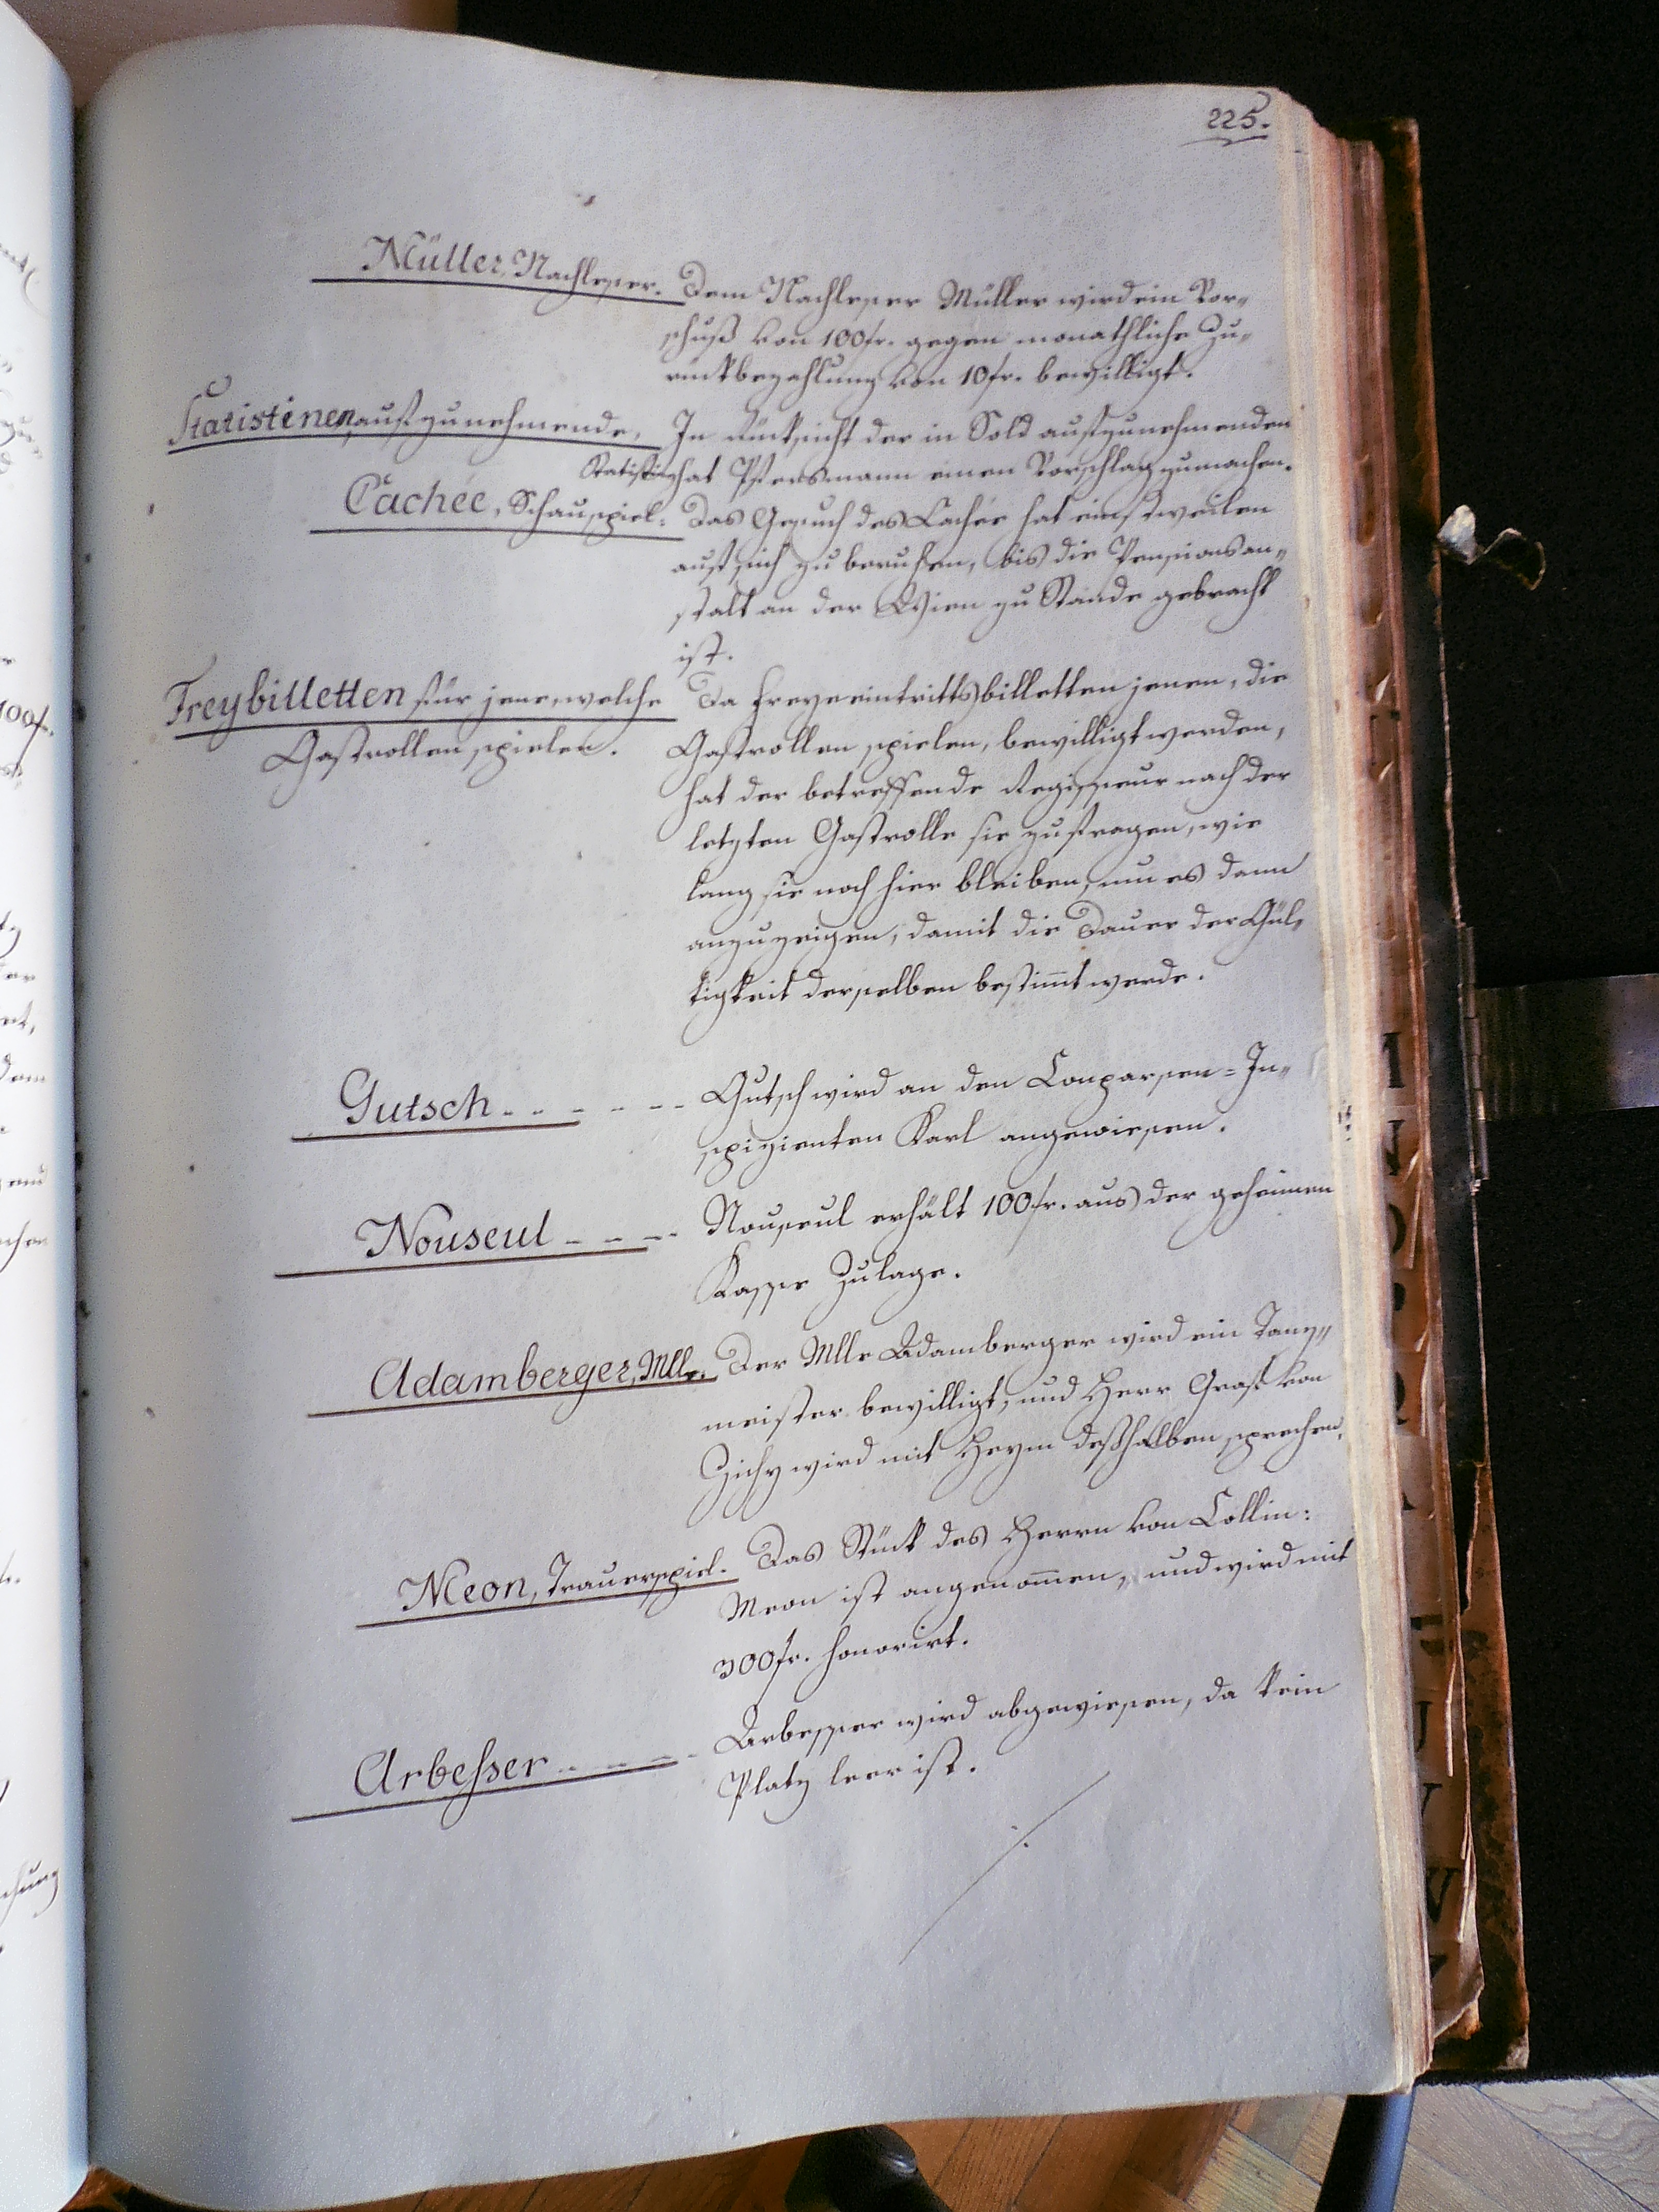225.
Müller, Nachleser. Dem Nachleser Müller wird ein Vor¬
schuß von 100fr. gegen monathliche Zu¬
rückbezahling von 10fr. bewilligt.
Statistinen, aufzunehmende, In Rücksicht der in Sold aufzunehmenden
Statistinen hat Pfersmann einen Vorschlag zumachen.
Cachée, Schauspiel: Das Gesuch des Cachée hat einstweilen
auf sich zu beruhen, bis die Pensionsan¬
stalt an der Wien zu Stande gebracht
ist.
Freybilletten für jene, welche
Gastrollen, spielen.
Da Freyeeintrittsbilletten jenen, die
Gastrollen spielen, bewilligt werden,
hat der betreffende Regisseur nach der
letzten Gastrolle sie zu fragen, wie
lang sie noch hier bleiben, um es dann
anzuzeigen, damit die Dauer der Gül¬
tigkeit derselben bestim̅t werde.
Gutsch .. .. .. .. .. . Gutsch wird an den Conparsen=In¬
spizienten Karl angewiesen.
Nouseul .. .. .. . Nouseul erhält 100fr. aus der geheimen
Kasse Zulage.
Adamberger, Mlle. Der Mlle Adamberger wird ein Tanz¬
meister bewilligt und Herr Graf von
Zichy wird mit Heym deßhalben sprechen.
Meon, Trauerspiel. Das Stück des Herrn von Collin:
Meon ist angenom̅en, und wird mit
300fr. honorirt.
Arbesser .. .. .. Arbesser wird abgewiesen, da kein
Platz leer ist.